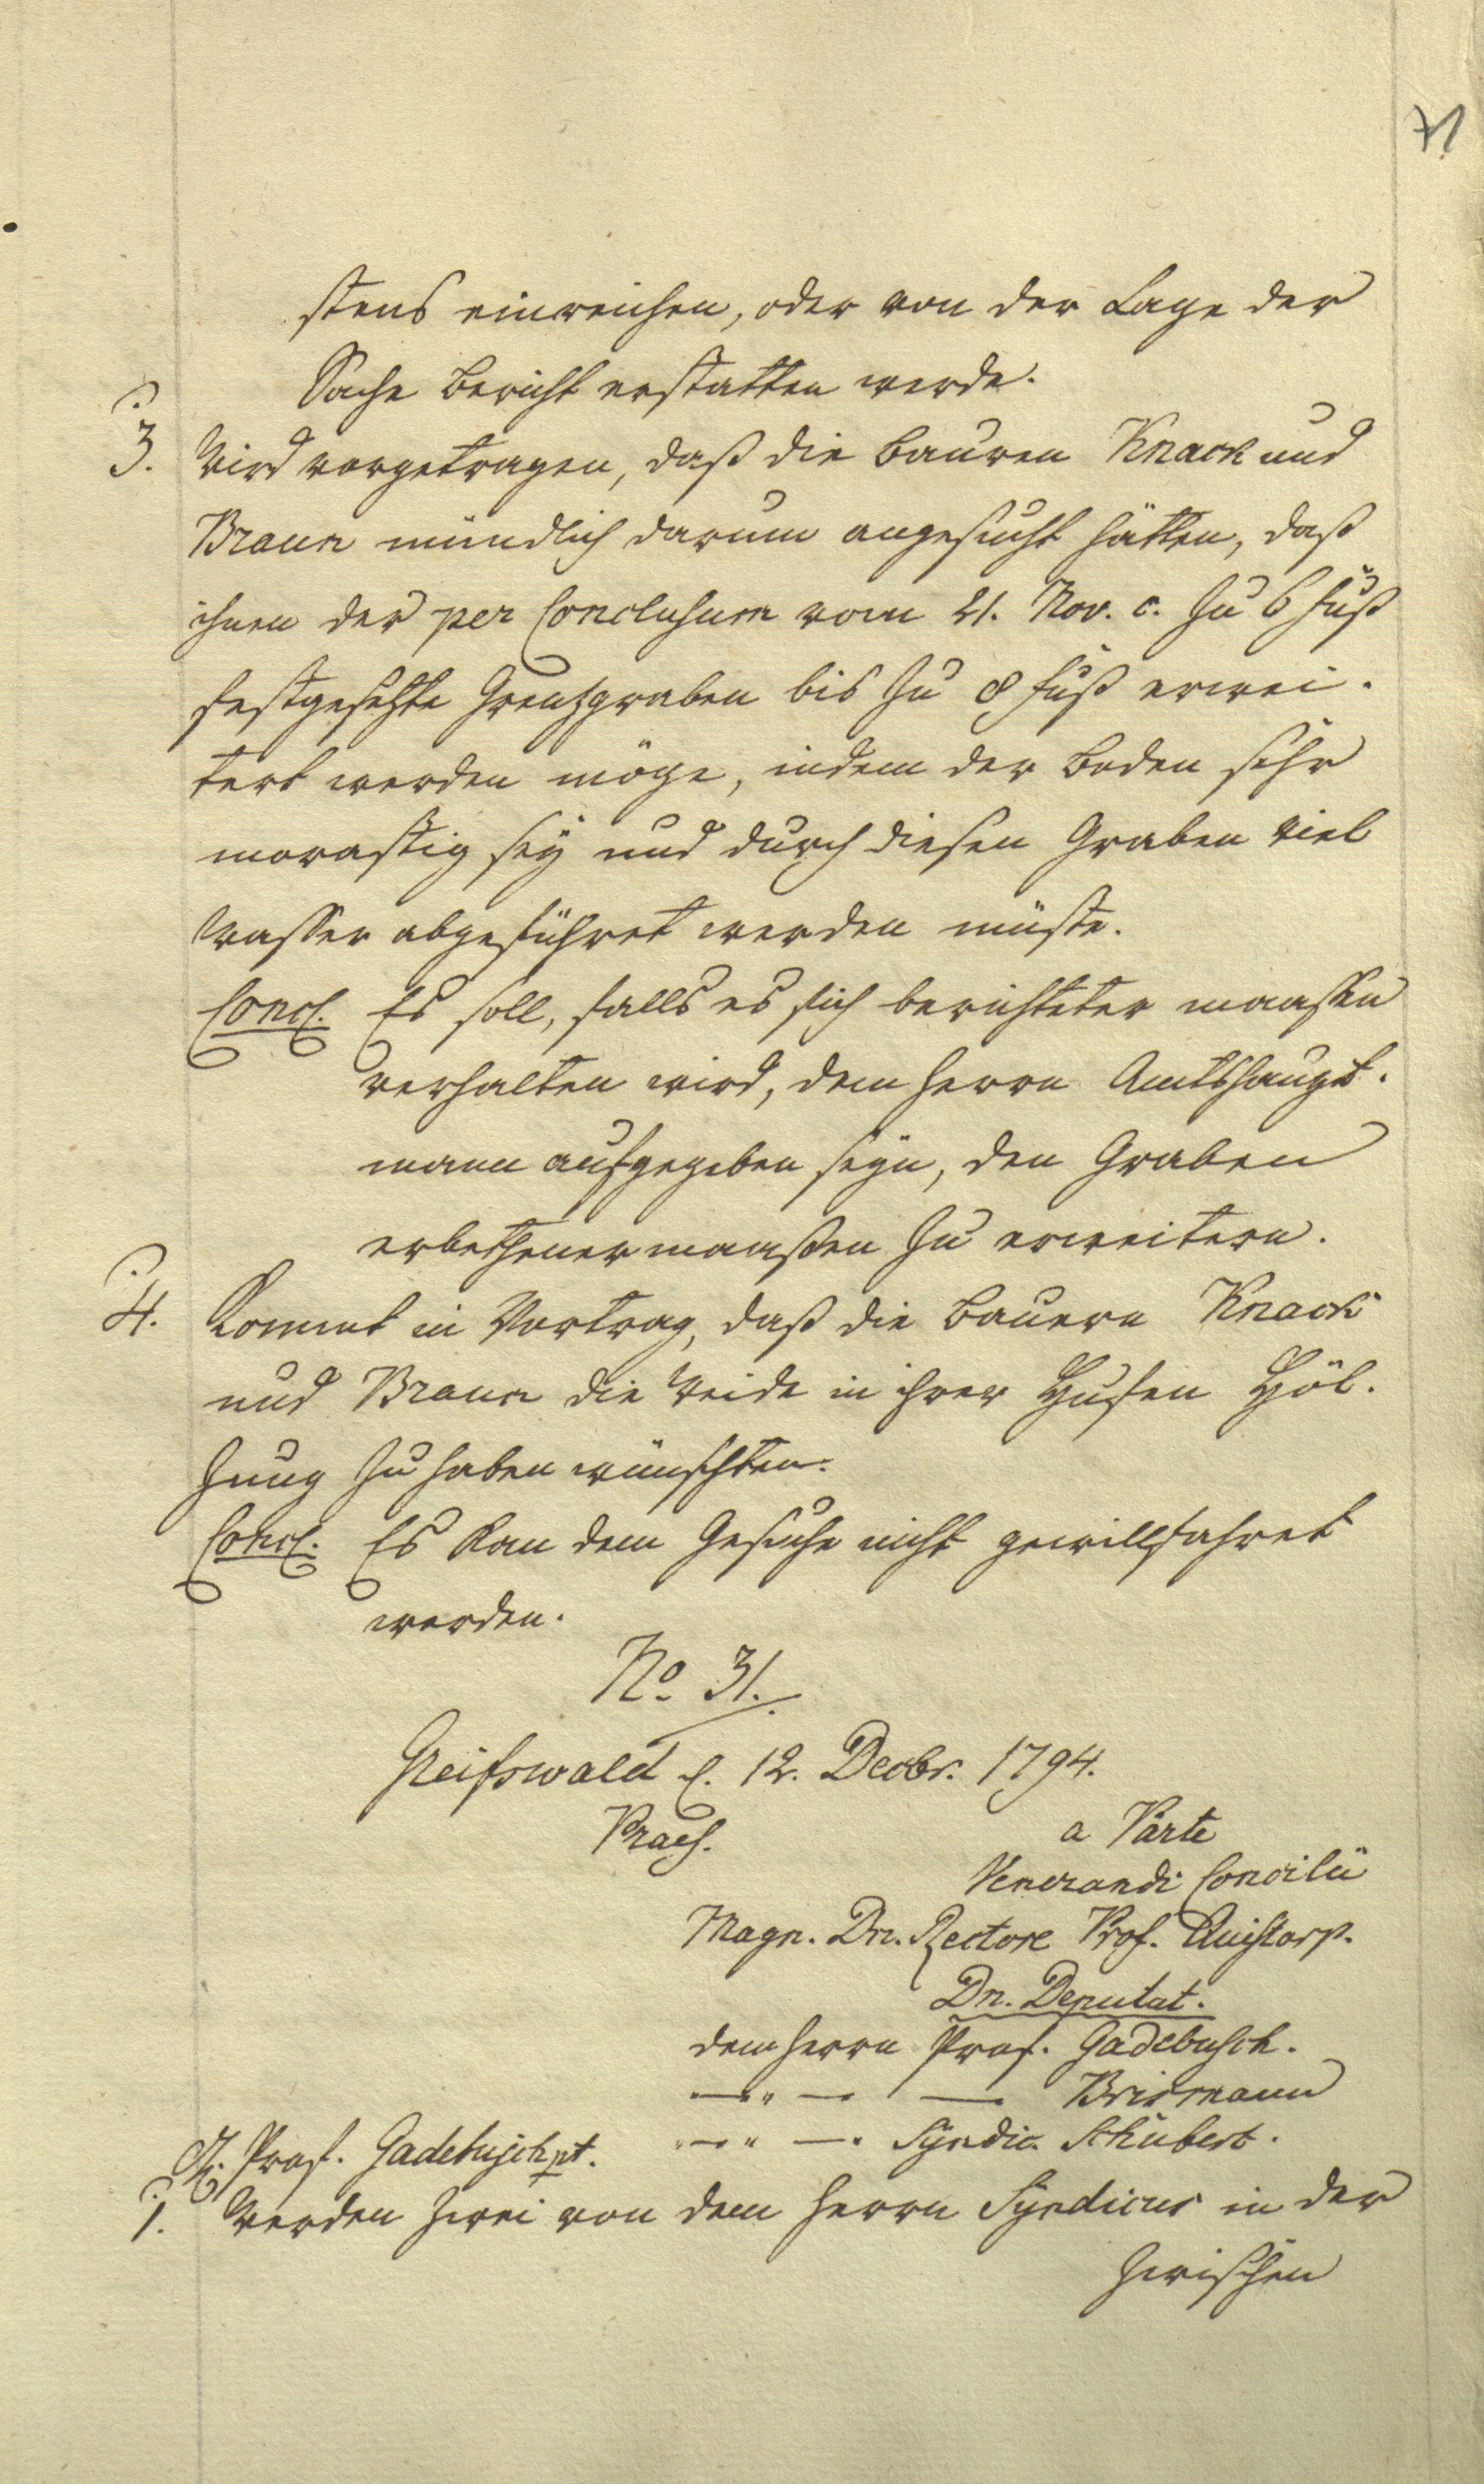stens einreichen, oder von der Lage der
Sache Bericht erstatten werde.
3. Wird vorgetragen, daß die Bauren Knack und
Braun mündlich darum angesucht hätten, daß
ihnen der per Conclusum vom 21. Nov. c. zu 6 Fuß
festgesetzte Grenzgraben bis zu 8 Fuß erwei¬
ert werden möge, indem der Boden sehr
morastig seÿ und durch diesen Graben viel
Wasser abgeführet werden müßte.
Concl. Es soll, falls es sich berichteter maassen
verhalten wird, dem Herrn Amtshaupt¬
mann aufgegeben seÿn, den Graben
erbethenermaaßen zu erweitern.
4. Kommt in Vortrag, daß die Bauern Knack
und Braun die Weide in iher Hufen Höl¬
zung zu haben wünschten
Concl. Es kan dem Gesuche nicht gewillfahret
werden.
No 31.
Greifswald d. 12. Decbr. 1794.
Praes.
a Parte
Venerandi Concilii
Magn. Dn. Rectore Prof. Quistorp.
Dn. Deputat.
dem Herrn Prof. Gadebusch.
Brismann
Sÿndic. Schubert.
dh. Prof. Gadebusch pt.
1. Werden zwei von dem Herrn Sÿndicus in der
zwischen